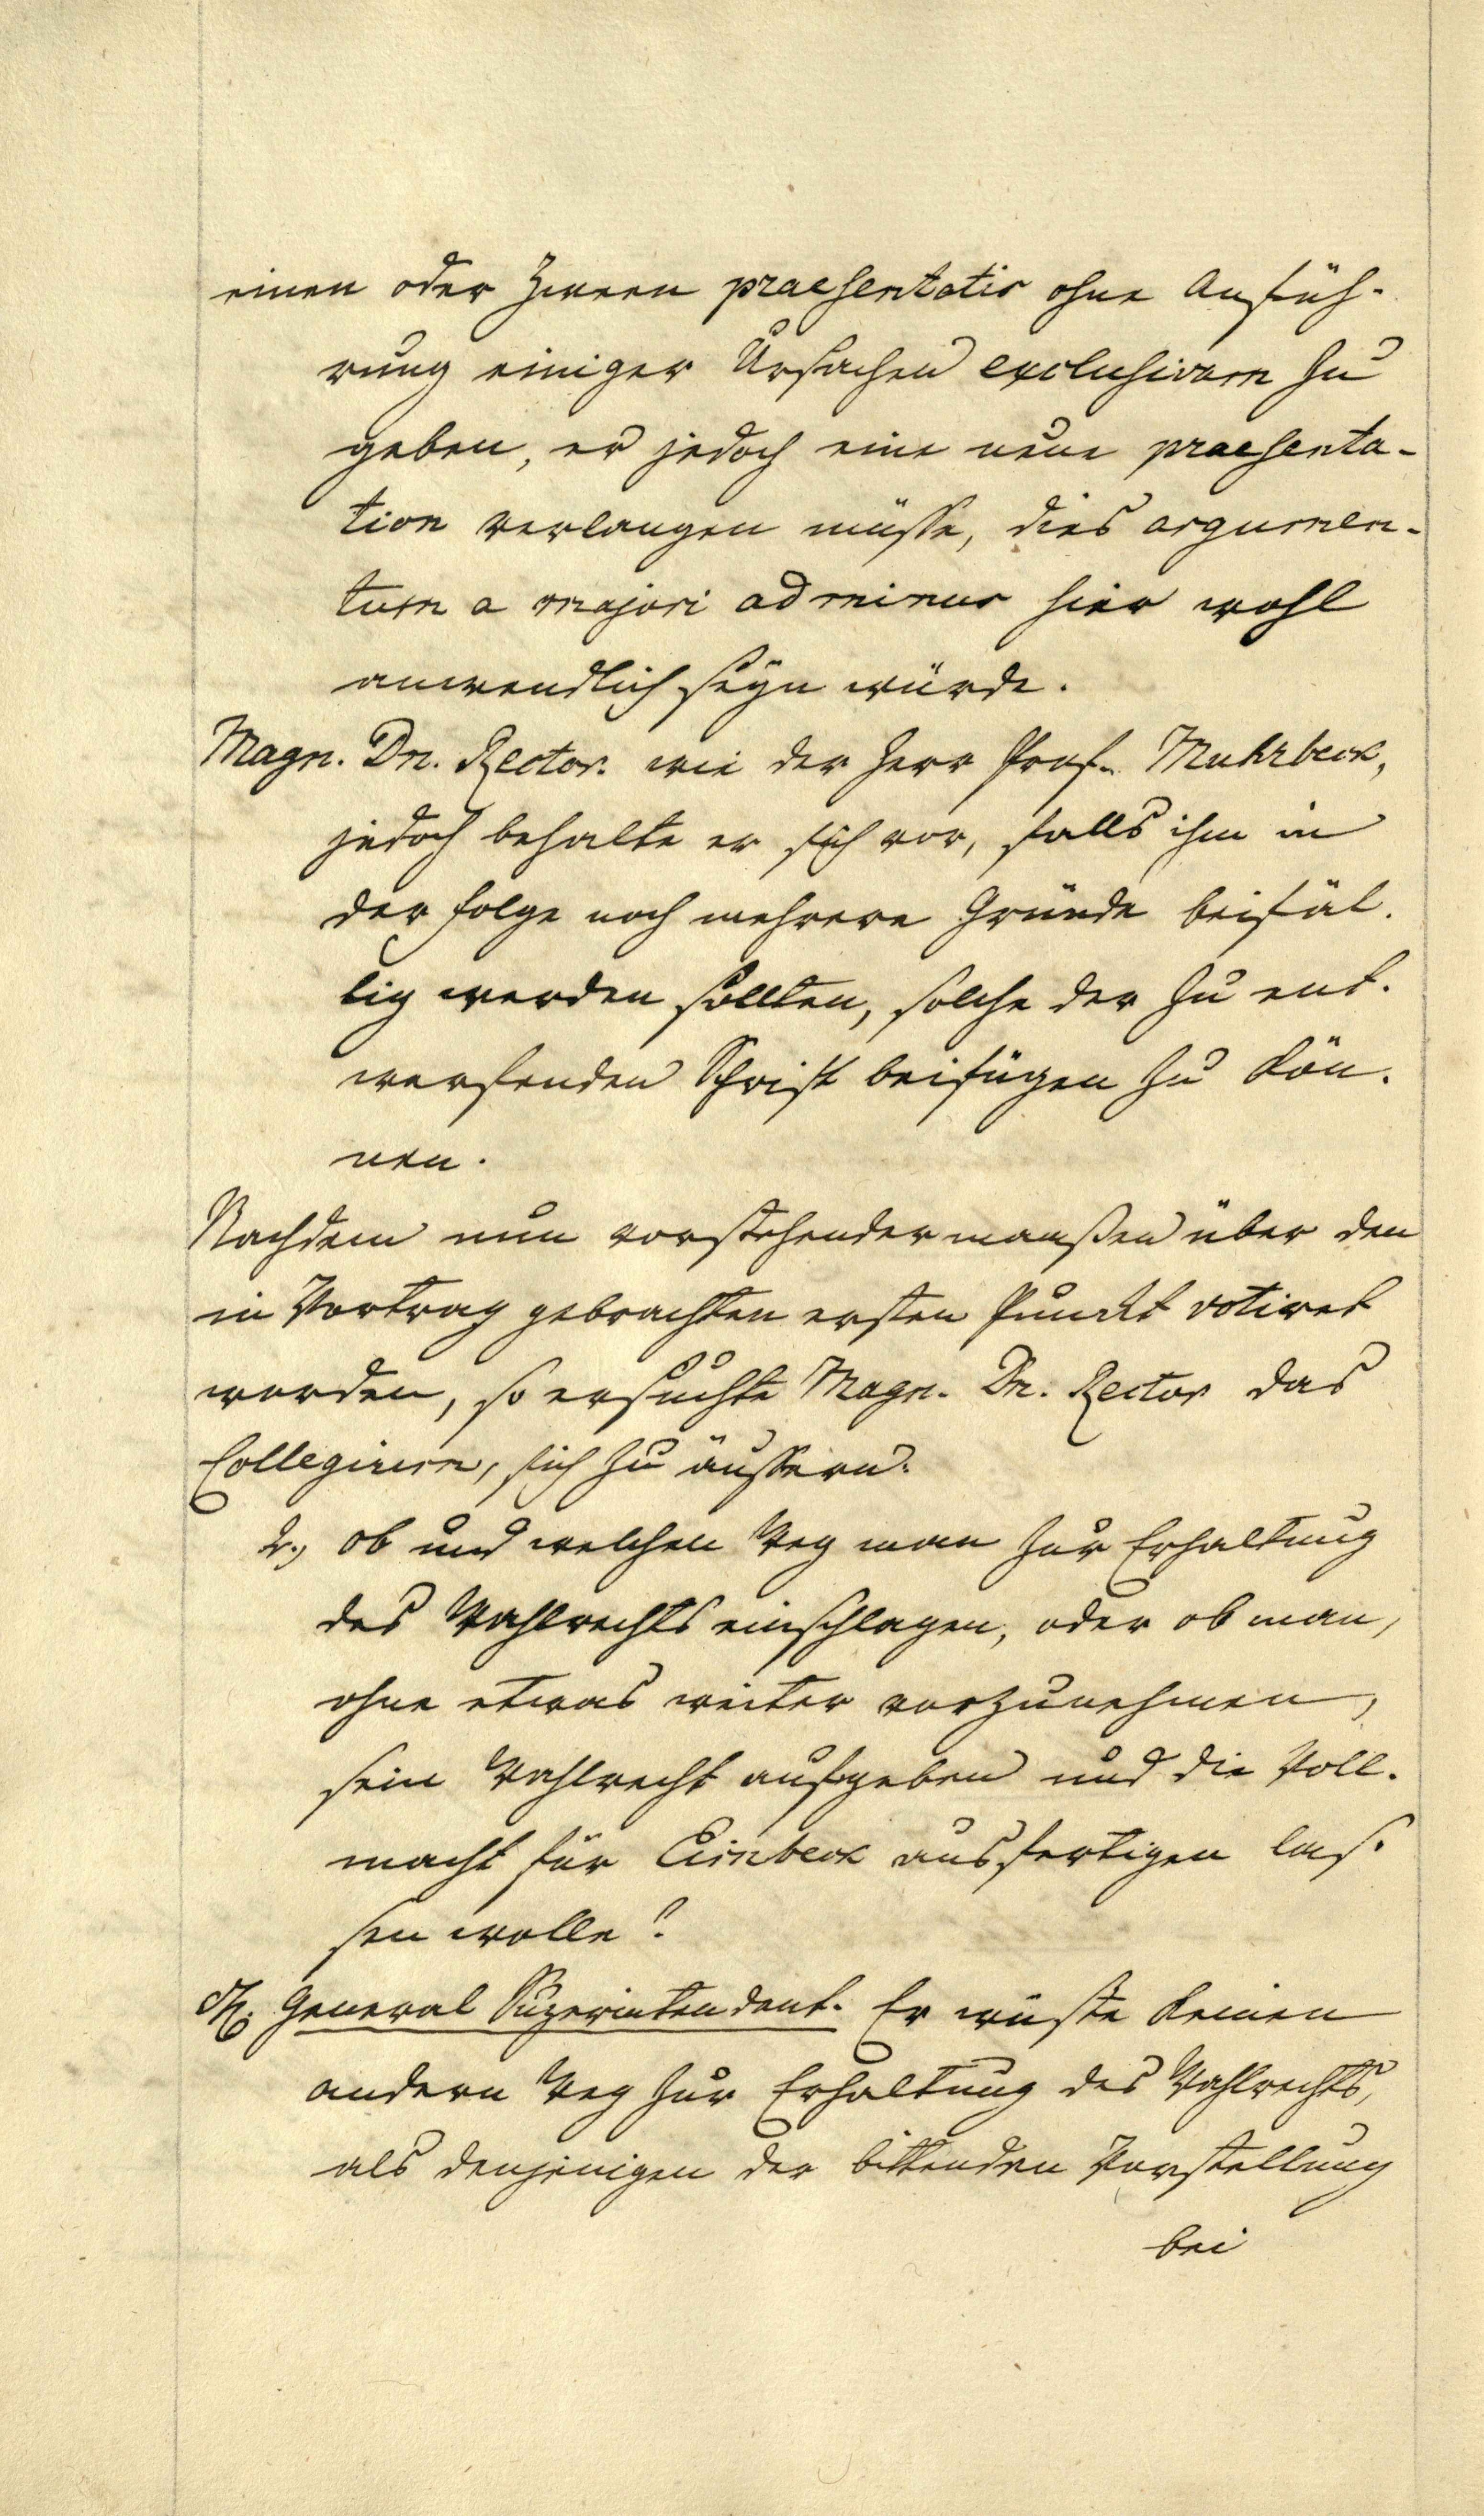einen oder zween praesentatis ohne Anfüh¬
rung einiger Ursachen exclusivam zu
geben, er jedoch eine neue praesenta¬
tion verlangen müsse, dies argumen¬
tum a majori ad minus hier wohl
anwendlich seÿn würde.
Magn. Dn. Rector. wie der Herr Prof. Muhrbeck,
jedoch behalte er sich vor, falls ihm in
der Folge noch mehrere Gründe beifäl¬
lig werden sollten, solche der zu ent¬
werfenden Schrift beifügen zu kön¬
nen.
Nachdem nun vorstehendermaaßen über den
in Vortrag gebrauchten ersten Punckt votiret
worden, so ersuchte Magn. Dn. Rector das
Collegium, sich zu äussern:
2., ob und welchem Weg man zur Erhaltung
des Wahlrechts einschlagen, oder ob man,
ohne etwas weiter vorzunehmen,
sein Wahlrecht aufgeben und die Voll¬
macht für Eimbeck ausfertigen las¬
sen wolle?
dh. General Superintendent. Er wüßte keinen
andern Weg zur Erhaltung des Wahlrechts,
als denjenigen der bittenden Vorstellung
bei